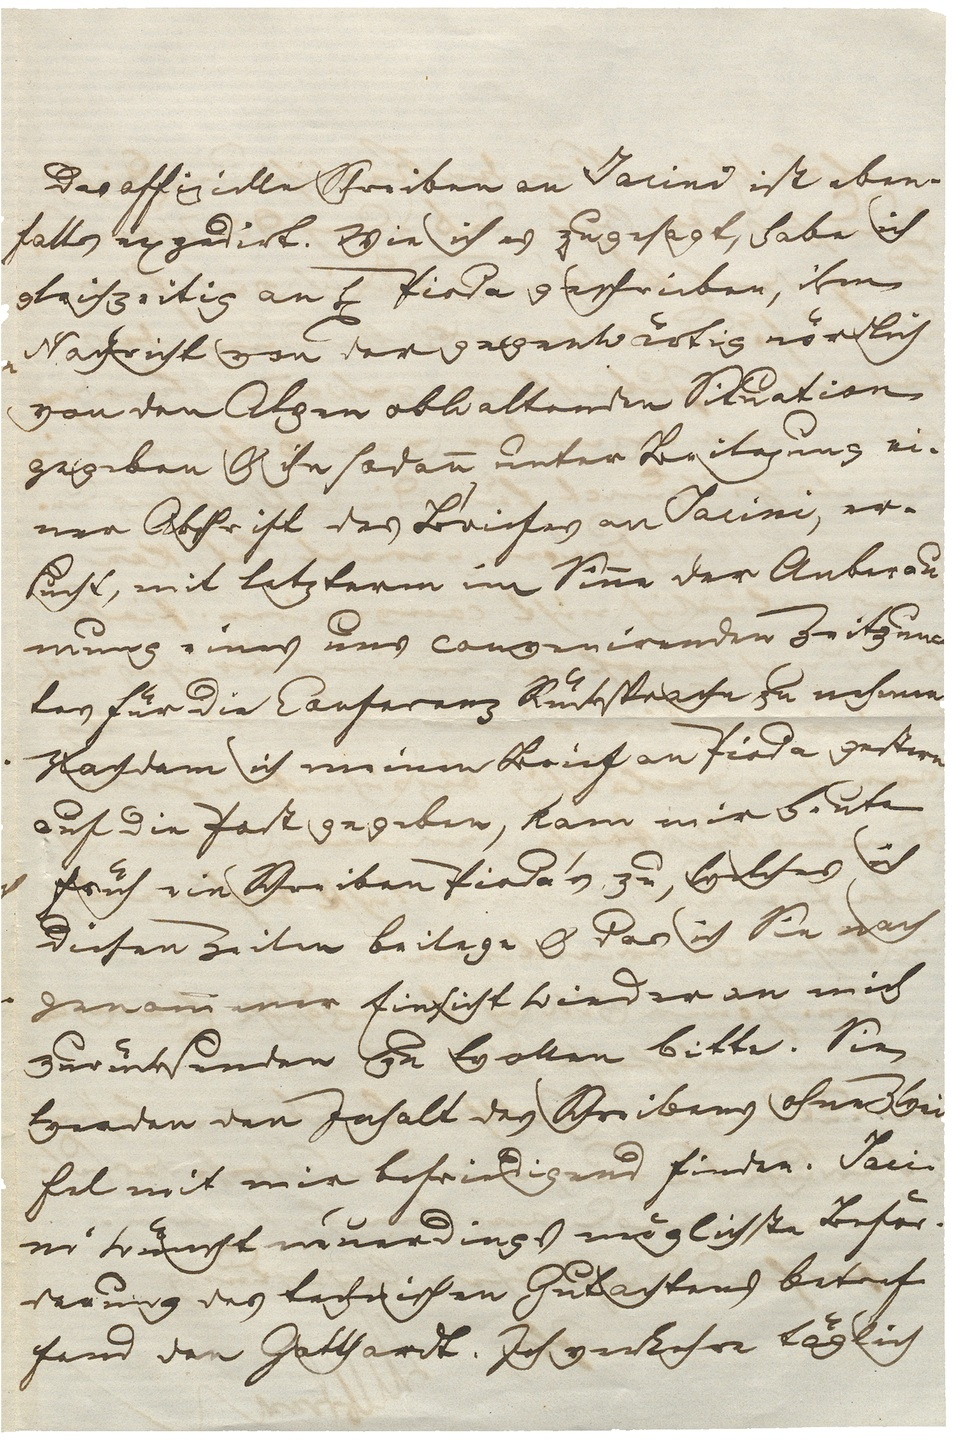Das offizielle Schreiben an Jacini ist eben-
falls expedirt. Wie ich es zugesagt, habe ich
gleichzeitig an H. Pioda geschrieben, ihm
Nachricht von der gegenwärtig nördlich
von den Alpen obwaltenden Situation
gegeben & ihn sodann unter Beilegung ei-
ner Abschrift des Briefes an Jacini, er-
sucht, mit letzterm im Sinne der Anberau-
mung eines uns convenirenden Zeitpunc-
tes für die Conferenz Rücksprache zu nehmen.
Nachdem ich meinen Brief an Piodagestern
auf die Post gegeben, kam mir heute
früh ein Schreiben Pioda's zu, welches ich
diesen Zeilen beilege & das ich Sie nach
genommener Einsicht wieder an mich
zurücksenden zu wollen bitte. Sie
werden den Inhalt des Schreibens ohne Zwei-
fel mit mir befriedigend finden. Jaci-
ni wünscht neuerdings möglichste Beför-
derung des technischen Gutachtens betref-
fend den Gotthardt. Ich verkehre täglich